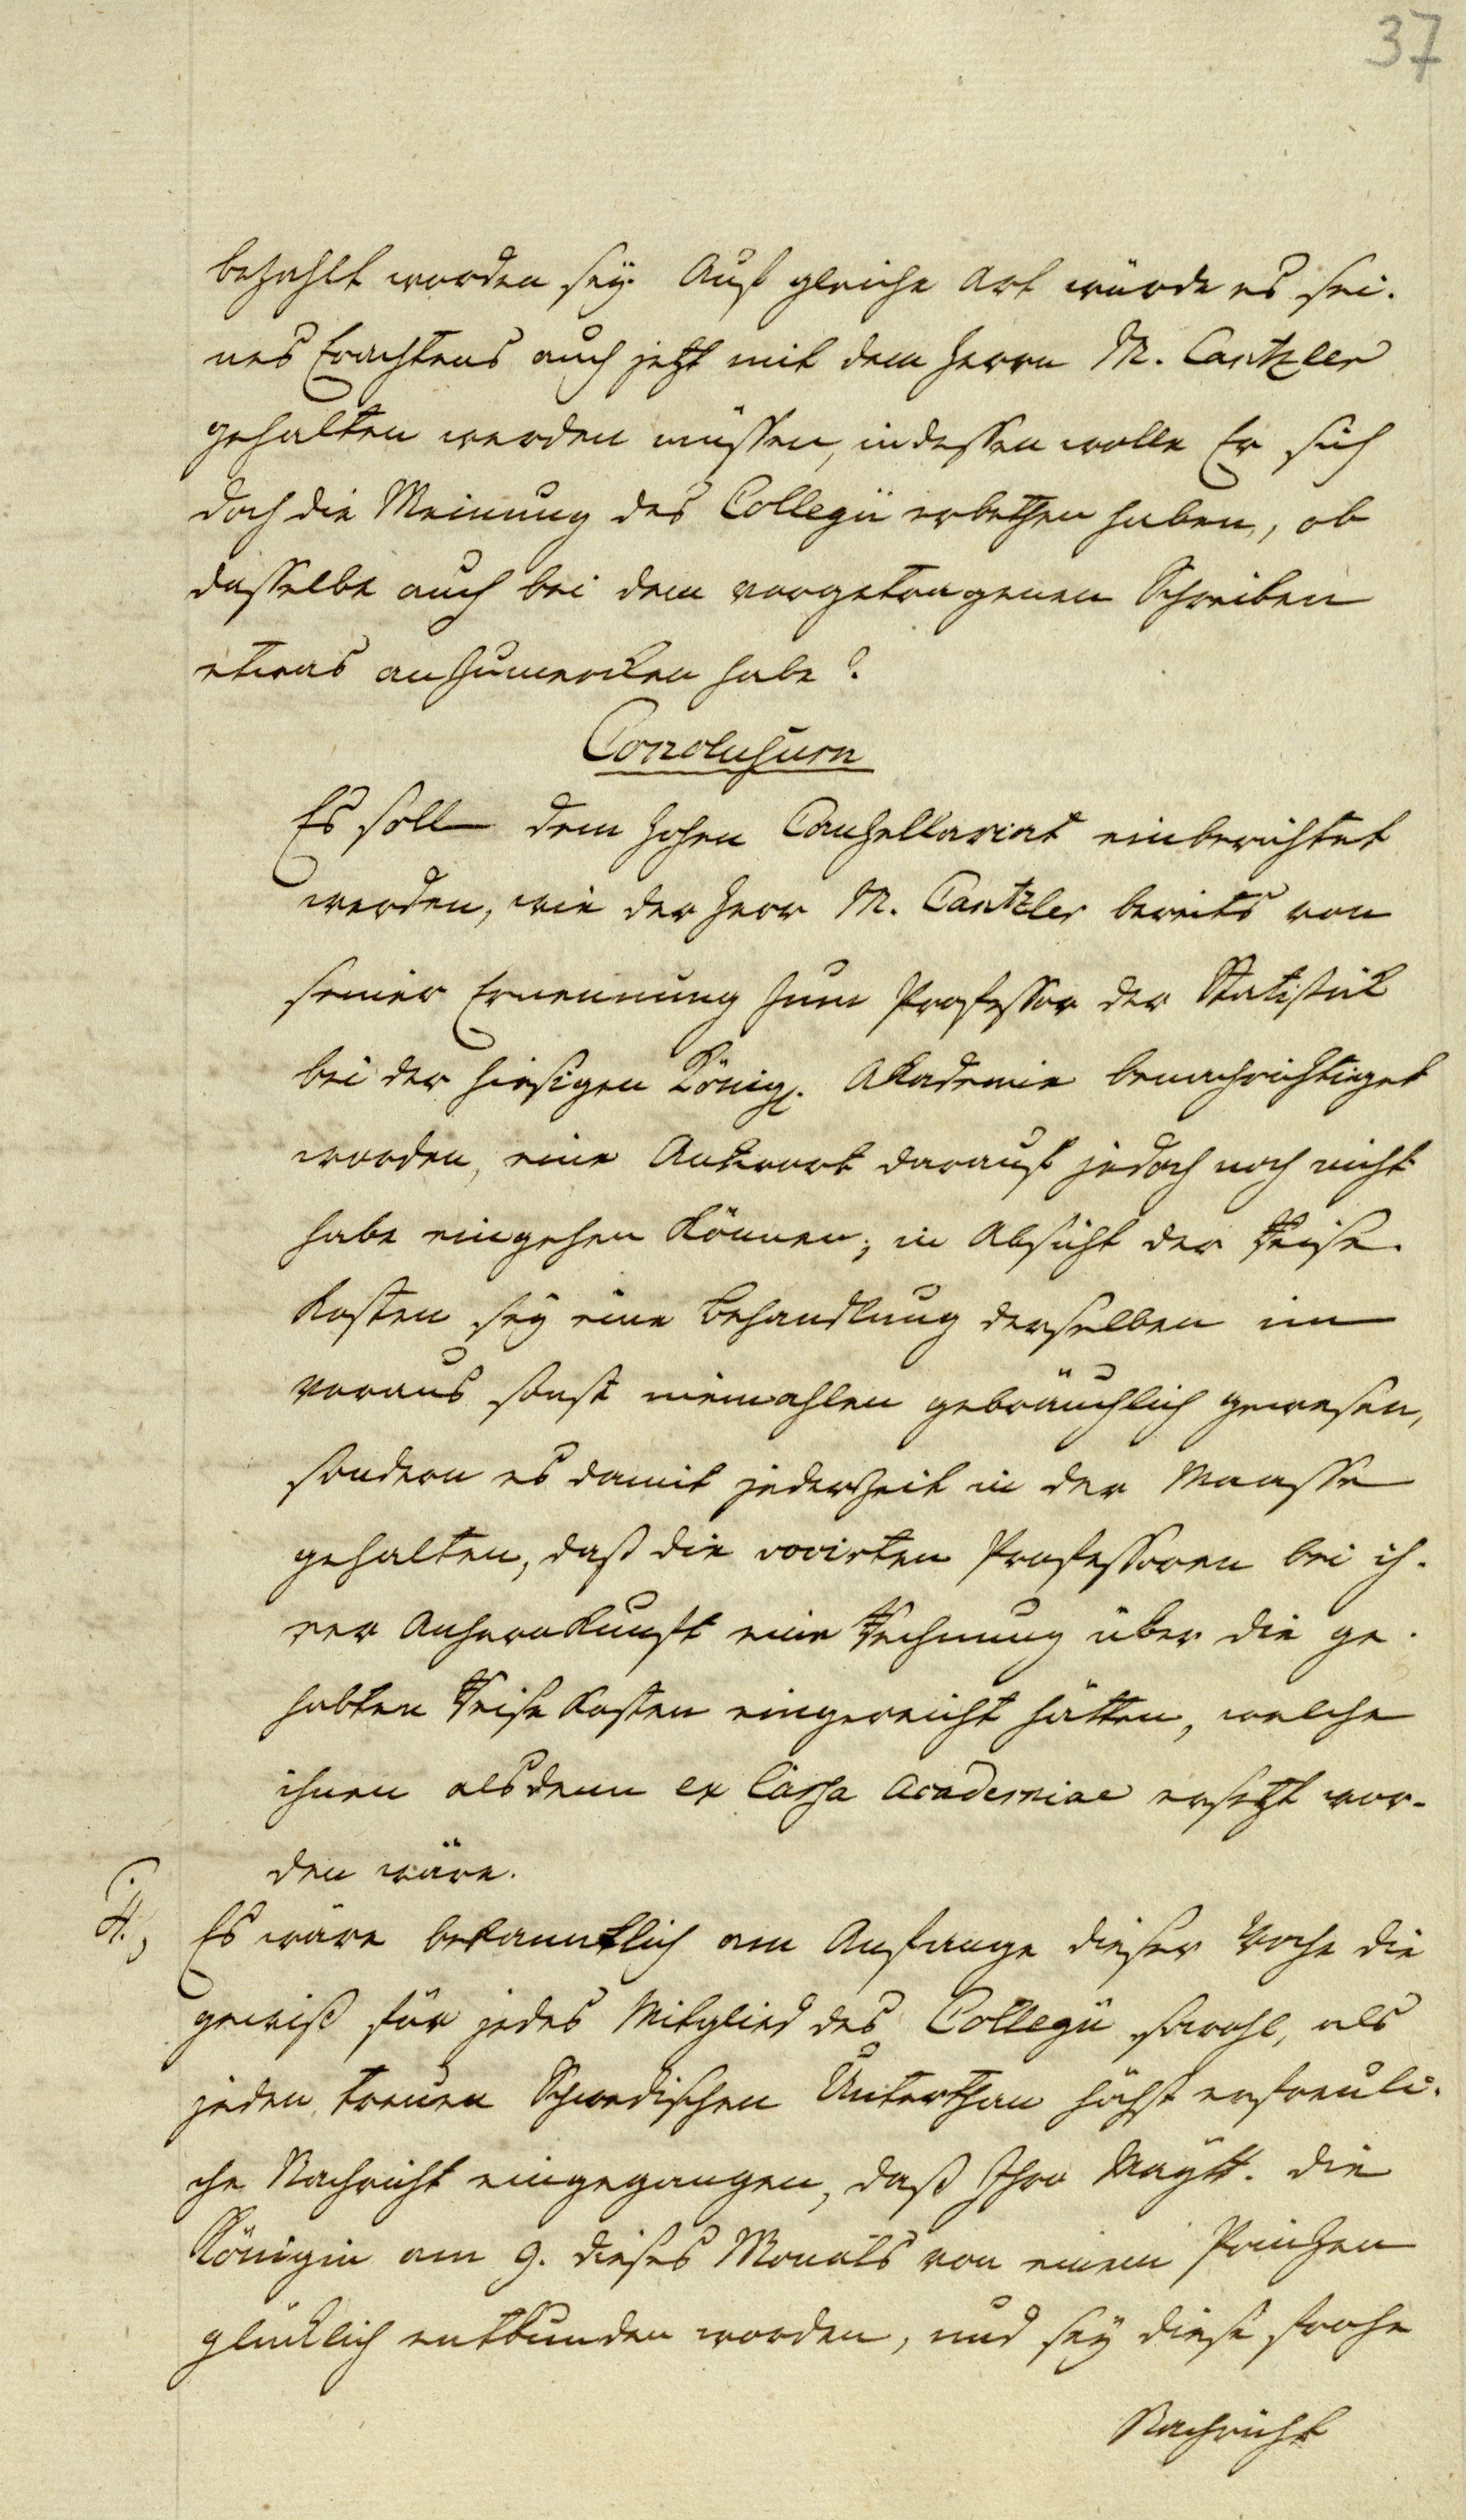bezahlt worden seÿ. Auf gleiche Art würde es sei¬
nes Erachtens auch jetzt mit dem Herrn M. Cantzler
gehalten werden müssen, indessen wolle Er sich
doch die Meinung des Collegii erbethen haben, ob
dasselbe auch bei dem vorgetragenen Schreiben
etwas anzumerken habe?
Conclusum
Es solle dem hohen Canzellariat einberichtet
werden, wie der Herr M. Cantzler bereits von
seiner Ernennung zum Professor der Statistick
bei der hiesigen Königl. Akademie benachrichtiget
worden, eine Antwort darauf jedoch noch nicht
habe eingehen können, in Absicht der Reise¬
kosten seÿ eine Behandlung derselben im
voraus sonst niemahlen gebräuchlich gewesen,
sondern es damit jederzeit in der Maasse
gehalten, daß die vocirten Professoren bei ih¬
rer Anherokunft eine Rechnung über die ge¬
habten Reise Kosten eingereicht hätten, welche
ihnen als denn ex Cassa Academiae ersetzt wor¬
den wäre.
4., Es wäre bekanntlich am Anfange dieser Woche die
gewiß für jedes Mitglied des Collegii sowohl, als
jeden treuen Schwedischen Unterthan höchst erfreuli¬
che Nachricht eingegangen, daß Ihro Maÿtt. die
Königin am 9. dieses Monats von einem Prinzen
glücklich entbunden worden, und seÿ diese frohe
Nachricht